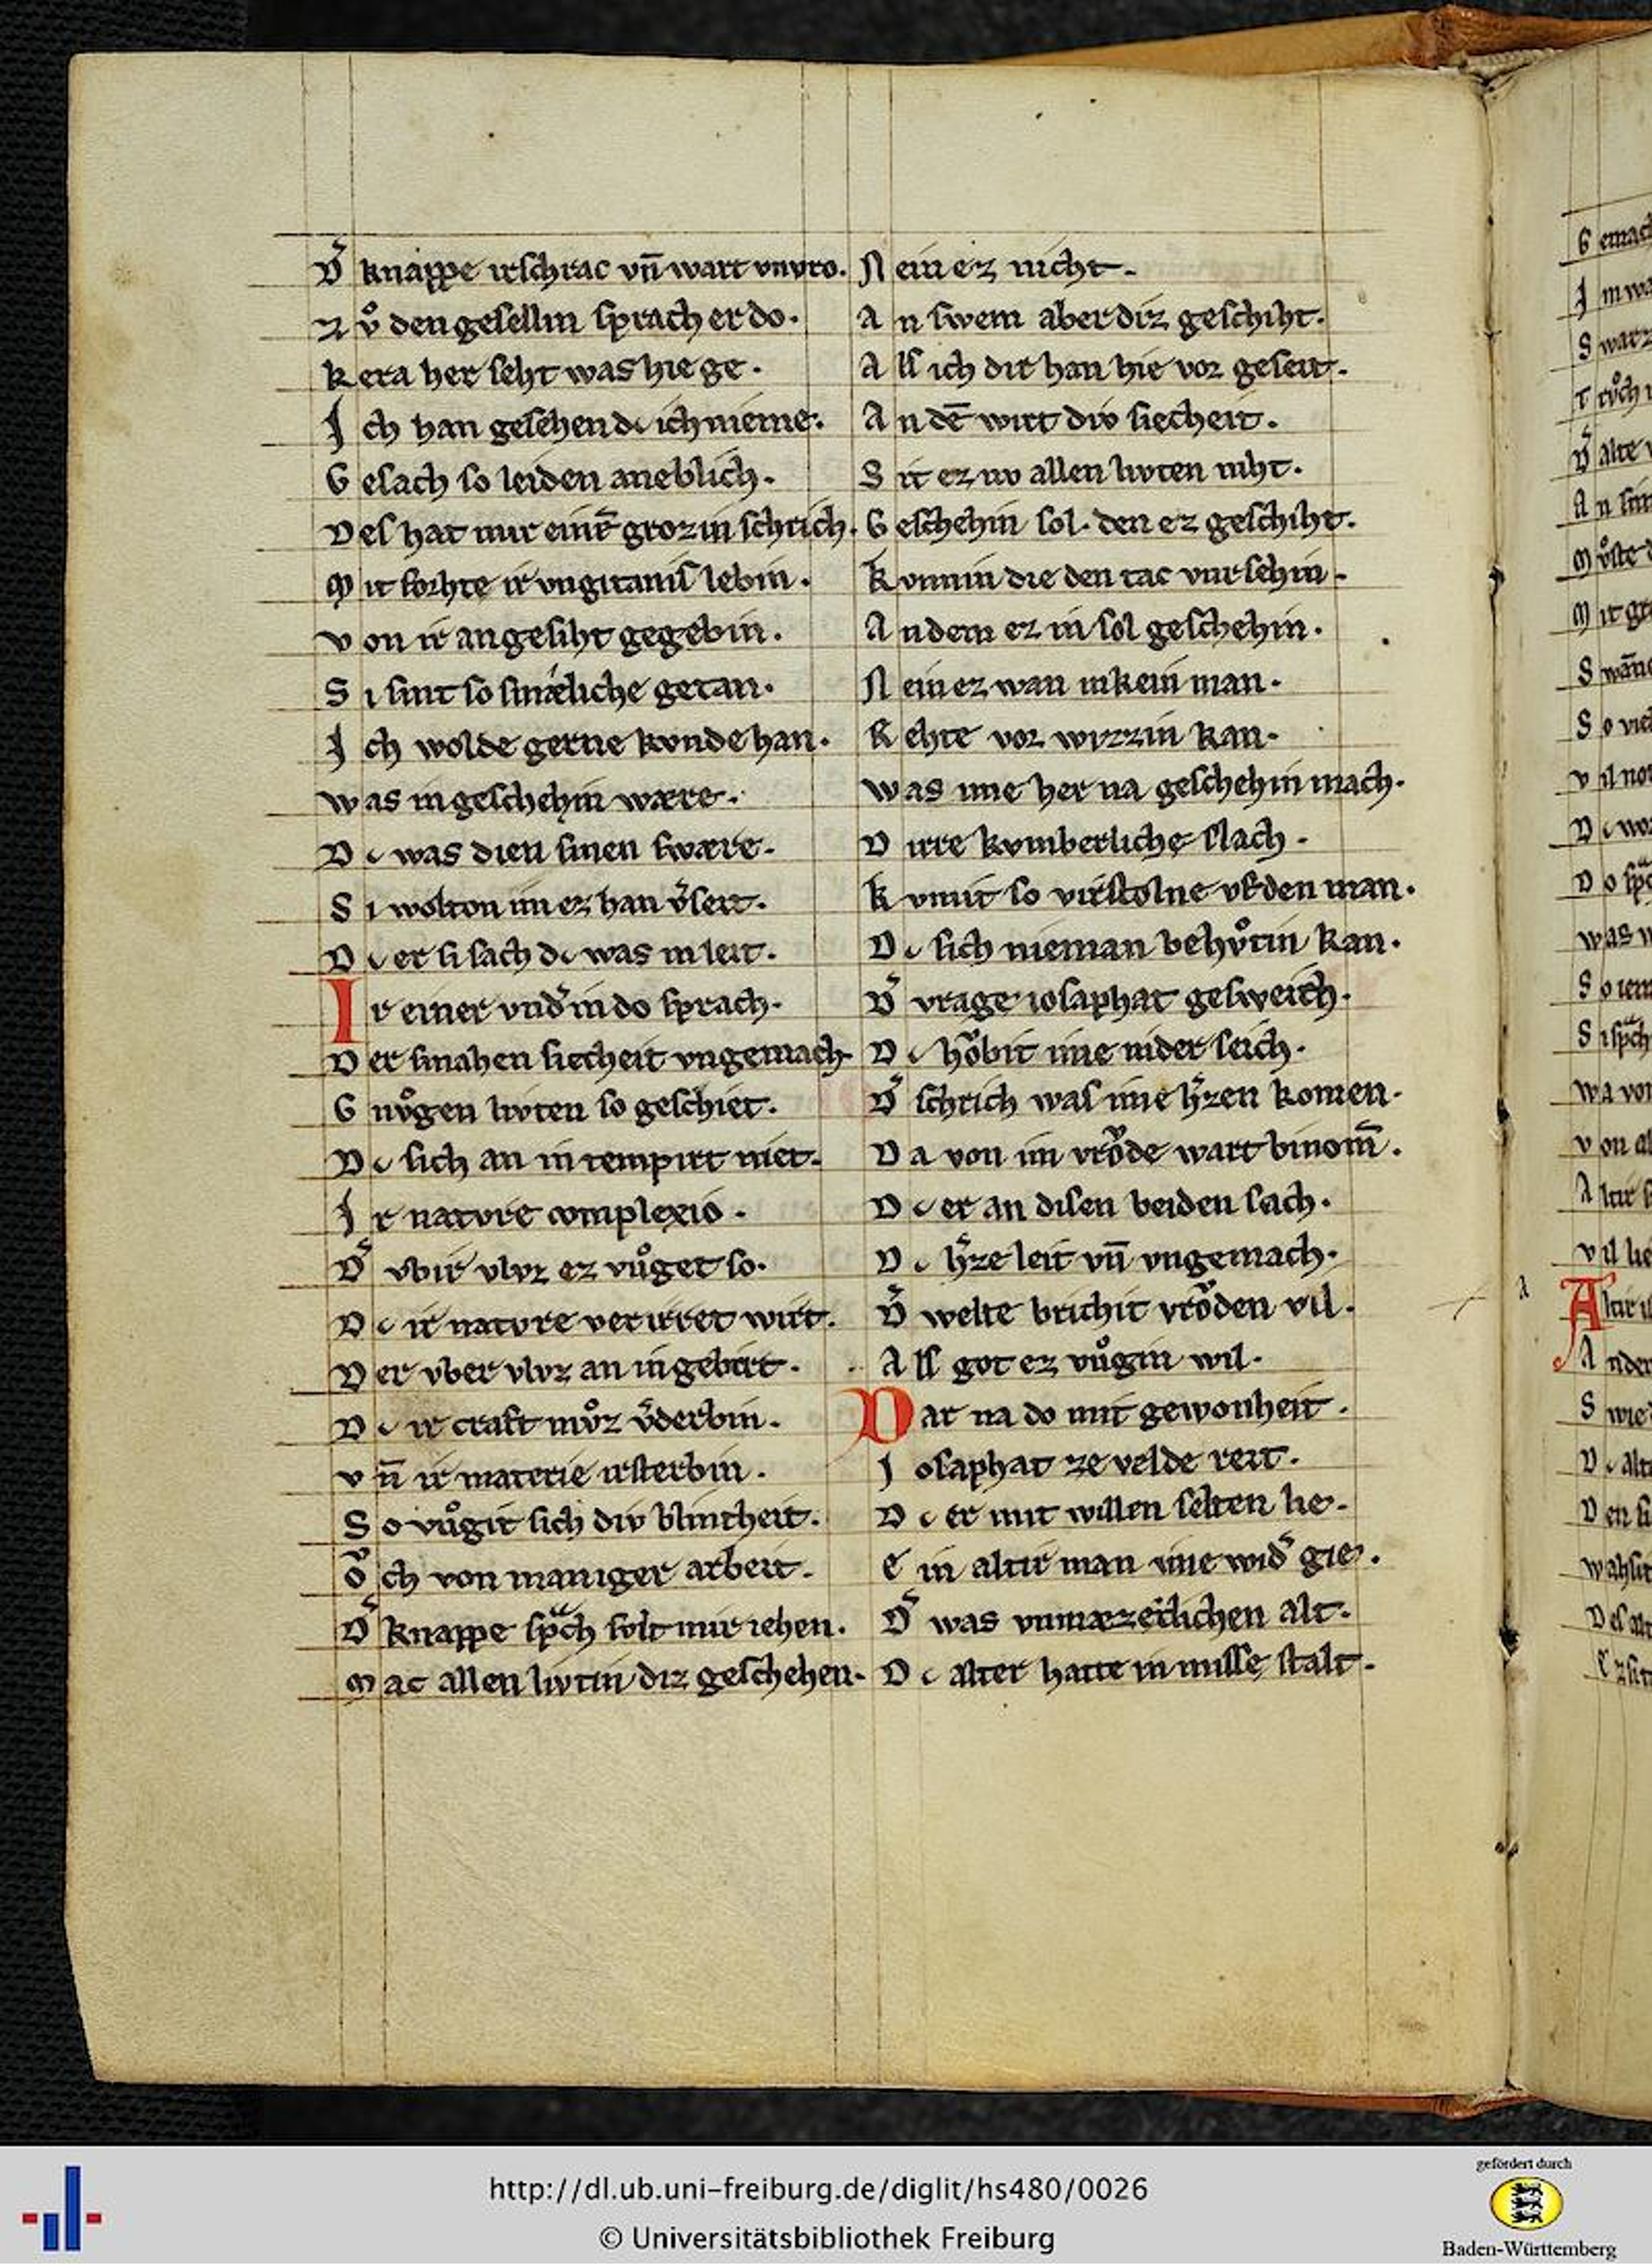D(er) knappe irſchrac vn(d) wart vnvro.
Zv°o den geſellin ſprach er do.
Kera her ſeht was hie ge.
Ich han geſehen d(az) ich nieme.
Geſach ſo leiden aneblich.
Deſ hat mir eine(n) grozin ſchrich.
Mit forhte ir vngitaniſ lebin.
Von ir angeſiht gegebin.
Si ſint ſo ſin[ae]liche getan.
Ich wolde gerne kvnde han.
Was in geſchehin w[ae]re.
D(az) was dien ſinen ſw[ae]re.
Si wolton im ez han v(er)ſeit.
D(az) er ſi ſach d(az) was in leit.
*Ir einer vnd(er) in do ſprach.
Der ſmahen ſiecheit vngemach.
Gnv°ogen livten ſo geſchiet.
D(az) ſich an in tempirt niet.
Ir natvre complexio.
D(er) vbir vlvz ez vu°oget ſo.
D(az) ir natvre ver irret wirt.
Der vber vlvz an in gebirt.
D(az) ir craft mv°oz v(er)derbin.
Vn(d) ir materie irſterbin.
So vu°ogit ſich div blintheit.
O°vch von maniger arbeit.
D(er) knappe ſp(ra)ch ſvlt mir iehen.
Mac allen livtin diz geſchehen.
Nein ez nicht.
An ſwen aber diz geſchiht.
Alſ ich dir han hie vor geſeit.
An de(m) wirt div ſiecheit.
Sit ez nv allen livten niht.
Geſchehin ſol den ez geſchiht.
Kvnnin die den tac vurſehin.
An dem ez in ſol geſchehin.
Nein ez wan inkein man.
Rehte vor wizzin kan.
Was ime her na geſchehin mach.
Dirre kvmberliche ſlach.
Kvmit ſo virſtolne vf den man.
D(az) ſich nieman behv°otin kan.
D(er) vrage ioſaphat geſweich.
D(az) ho°vbit ime nider ſeich.
D(er) ſchrich waſ ime h(er)zen komen.
Da von im vro°vde wart binom(n).
D(az) er an diſen beiden ſach.
D(az) h(er)ze leit vn(d) vngemach.
D(er) welte brichit vro°vden vil.
Alſ got ez vu°ogin wil.
*Dar na do mit gewonheit.
Josaphat ze velde reit.
D(az) er mit willen ſelten lie.
Ein altir man ime wid(er) gie.
D(er) was unm[ae]zeclichen alt.
D(az) alter hatte in miſſe ſtalt.